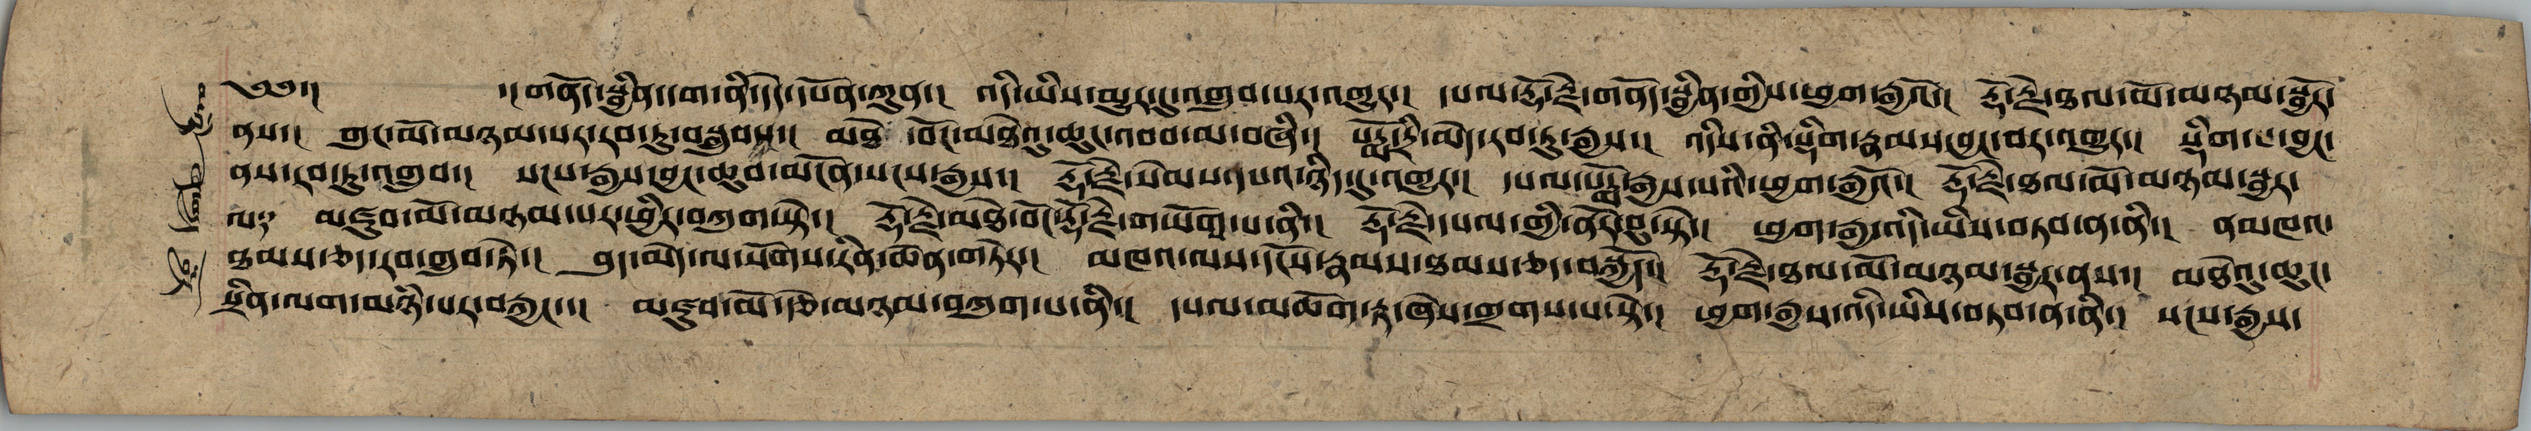༄༅་། ་།གནོད་སྦྱིན་དག་ནི་དེད་དཔོན་ཀུན་། འདི་ཡིས་མྱུར་དུ་འགྲུབ་པར་འགྱུར་། དཔལ་རྡོ་རྗེ་གནོད་སྦྱིན་གྱིས་ཕྱག་རྒྱའོ་། རྡོ་རྗེ་ཐལ་མོ་མཉམ་སྦྱོར་
ནས་། གུང་མོ་མཉམ་པར་རབ་ཏུ་བསྒྲུབས་། མཐེ ་བོང་མཐེའུ་ཆུང་འབབ་མ་བཞི་། པདྨོ་དྲི་མེད་རབ་ཏུ་རྒྱས་། འདིས་ནི་སྡིག་རྣམས་བྱང་བར་འགྱུར་། སྡིག་པ་བྱང་
ནས་རབ་ཏུ་འགྲུབ་། སངས་རྒྱས་བྱང་ཆུབ་མངོན་སངས་རྒྱས་། རྡོ་རྗེ་སེམས་དཔའ་ཉིད་དུ་འགྱུར་། དཔལ་པདྨོ་རྒྱས་པའི་ཕྱག་རྒྱའོ་། རྡོ་རྗེ་ཐལ་མོ་མཉམ་སྦྱར་
ལ༑ མཛུབ་མོ་མཉམ་པར་ཕྱིར་བཀུག་སྟེ་། རྡོ་རྗེ་མཐེ་བོང་རྡོ་རྗེ་གཡོག་པ་ནི་། རྡོ་རྗེ་དཔལ་གྱི་ནོར་བུ་སྟེ་། ཕྱག་རྒྱ་འདི་ཡིས་བཏབ་ན་ནི་། ནམཁའ་
ཐམས་ཅད་རབ་གྲུབ་ཏེ་། བུད་མེད་ལ་སོགས་རིན་ཆེན་གཏེར་། མཁའ་ལས་དངོས་རྣམས་ཐམས་ཅད་བསྐྱོད། རྡོ་རྗེ་ཐལ་མོ་མཉམ་སྦྱར་ནས་། མཐེའུ་་ཆུང་
སྲིན་ལག་མཉཾ་པར་བརྐྱང་་། མཛུབ་མོ་རྩེ་མཉམ་བཀུག་པ་ནི་། དཔལ་མཆོག་རྟ་ཞེས་གྲགས་པ་སྟེ་། ཕྱག་རྒྱས་འདི་ཡིས་བཏབ་ན་ནི་། སངས་རྒྱས་